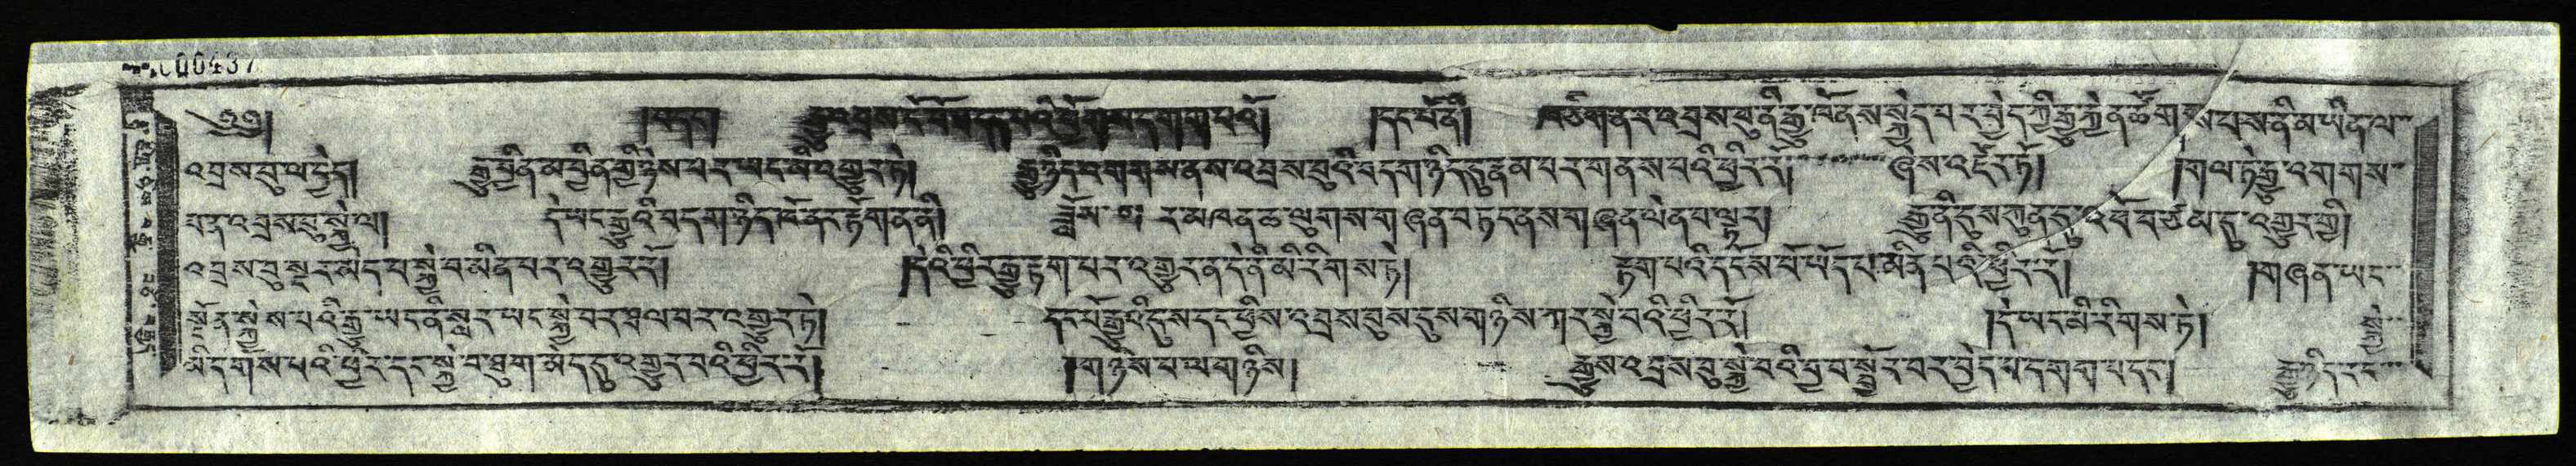༄༅། །པ་དང་། རྒྱུ་འབྲས་ངོ་བོ་ཐ་དད་པའི་ཕྱོགས་དགག་པའོ། །དང་པོ་ནི། ཁ་ཅིག་ནར་འབྲས་བུ་ནི་རྒྱུ་ཁོ་ནས་སྐྱེད་པར་བྱེད་ཀྱི་རྒྱུ་རྐྱེན་ཚོགས་པས་ནི་མ་ཡིན་ལ་
འབྲས་བུ་ལ་བྱེད། རྒྱུ་བྱིན་མ་བྱིན་གྱི་ཉེས་པར་ཡང་མི་འགྱུར་ཏེ། རྒྱུ་ཉིད་འགགས་ནས་འབྲས་བུའི་བདག་ཉིད་དུ་རྣམ་པར་གནས་པའི་ཕྱིར་རོ། ཞེས་འཛེར་ཏོ། །གལ་ཏེ་རྒྱུ་འགགས་
པ་ན་འབྲས་བུ་སྐྱེ་ལ། དེ་ཡང་རྒྱུའི་བདག་ཉིད་ཁོ་ནར་རྟོག་ན་ནི། ཟློས་པར་མཁན་ཆ་ལུགས་གཞན་བཏང་ནས་གཞན་ལེན་པ་ལྟར། རྒྱུ་ནི་དུས་ཀུན་དུ་འཕོ་བ་ཙམ་དུ་འགྱུར་གྱི།
འབྲས་བུ་སྔར་མེད་པ་སྐྱེ་བ་མིན་པར་འགྱུར་རོ། །དེའི་ཕྱིར་རྒྱུ་རྟག་པར་འགྱུར་ན་དེ་ནི་མི་རིགས་ཏེ། རྟག་པའི་དངོས་པོ་ཡོད་པ་མིན་པའི་ཕྱིར་རོ། །གཞན་ཡང་
སྔོན་སྐྱེས་པའི་རྒྱུ་ཡང་ནི་སླར་ཡང་སྐྱེ་བར་ཐལ་བར་འགྱུར་ཏེ། དང་པོ་རྒྱུའི་དུས་དང་ཕྱིས་འབྲས་བུས་དུས་གཉིས་ཀར་སྐྱེ་བའི་ཕྱིར་རོ། །དེ་ཡང་མི་རིགས་ཏེ། སྐྱེ་
མི་དགོས་པའི་ཕྱིར་དང་སྐྱེ་བ་ཐུག་མེད་དུ་འགྱུར་བའི་ཕྱིར་རོ། །གཉིས་པ་ལ་གཉིས། རྒྱུས་འབྲས་བུ་སྐྱེ་བའི་བྱ་བ་སྦྱོར་བར་བྱེད་པ་དགག་པ་དང་། རྒྱུ་ཉིད་རང་